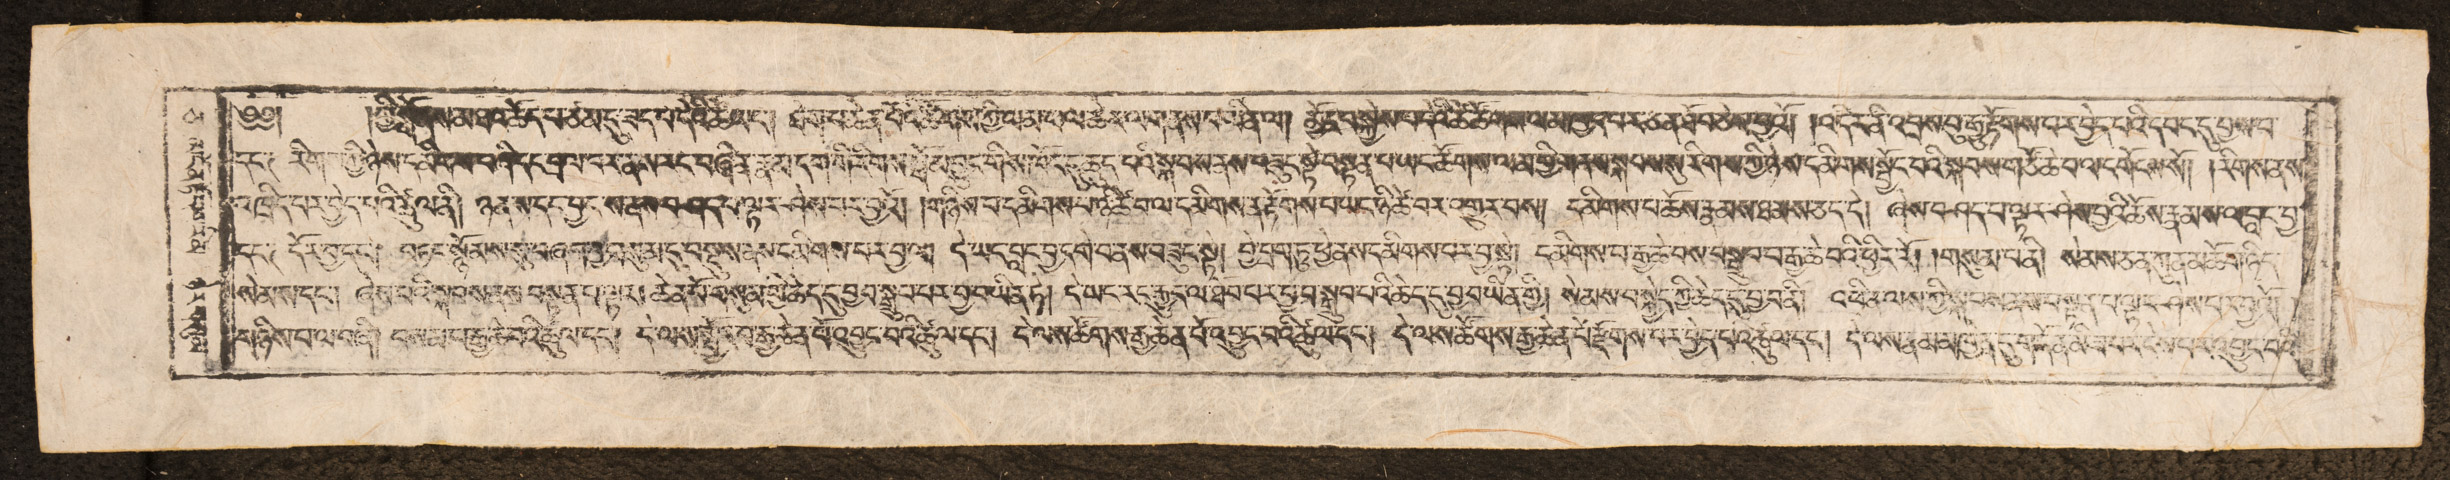༄༅། །གྱི་སྒོ་ནས་མཐའ་ཆོད་པ་ཙམ་དུ་ཟད་པ་དེའི་ཚེ་ཡང་། ཐེག་པ་ཆེན་པོའི་ཚོགས་ཀྱི་ལམ་ཕལ་ཆེར་ལ་གནས་པ་ཡིན་ལ། མྱོང་བ་སྐྱེས་པ་དེའི་ཚེ་ཚོགས་ལམ་ཁྱད་པར་ཅན་ཐོབ་ཅེས་བྱའོ། །འདིར་ནི་འབྲས་བུ་རྒྱུ་རྟོགས་པར་བྱེད་པའི་དབང་དུ་བྱས་པ་
དང་། རིགས་ཀྱི་ཉེས་དམིགས་བཞི་དང་བྲལ་བར་ནས་རང་བཞིན་རྣམ་དག་གི་རིགས་སྒོམ་བྱང་གིས་ཁོང་དུ་ཆུད་པའི་སྐབས་ནས་བཟུང་སྟེ་བསྟན་པ་ཡང་ཆོགས་ལམ་གྱི་གནས་སྐབས་སུ་རིགས་ཀྱི་ཉེས་དམིགས་སྦྱོང་བའི་སྐབས་གཙོ་ཆེ་བ་ལ་དགོངས་སོ། །རིགས་ནས་
འཁྲིད་པར་བྱེད་པའི་ཚུལ་ནི། ཉན་ས་དང་བྱང་ས་ནས་བཤད་པ་ལྟར་ཤེས་པར་བྱའོ། །གཉིས་པ་དམིགས་པ་ཉི་ཚེ་བ་ལ་དམིགས་ན་རྟོགས་པ་ཡང་ཉི་ཚེ་བར་འགྱུར་བས། དམིགས་པ་ཆོས་རྣམས་ཐམས་ཅད་དེ། ཞེས་བཤད་པ་ལྟར་ཤེས་བྱའི་ཆོས་རྣམས་ལ་བླང་བྱ་
དང་། དོར་བྱ་དང་། བཏང་སྙོམས་སུ་བཞག་བྱ་གསུམ་དུ་བསྡུས་ནས་དམིགས་པར་བྱ་ལ། དེ་ཡང་བླང་བྱ་དགེ་བ་ནས་བཟུང་སྟེ། བྱེ་བྲག་ཏུ་ཕྱེ་ནས་དམིགས་པར་བྱ་སྟེ། དམིགས་པ་རྒྱ་ཆེ་བས་བསྒྲུབ་པ་རྒྱ་ཆེ་བའི་ཕྱིར་རོ། །གསུམ་པ་ནི། སེམས་ཅན་ཀུན་མཆོག་ཉིད་
སེམས་དང་། ཞེས་པའི་སྐབས་ནས་བསྟན་པ་ལྟར། ཆེན་པོ་གསུམ་གྱི་ཆེད་དུ་བྱ་བ་སྒྲུབ་པར་བྱ་བ་ཡིན་ཏེ། དེ་ཡང་རང་རྒྱུད་ལ་ཐོབ་པར་བྱ་བ་སྒྲུབ་པའི་ཆེད་དུ་བྱ་བ་ཡིན་གྱི། སེམས་བསྐྱེད་ཀྱི་ཆེད་དུ་བྱ་བ་ནི། འཕྲིན་ལས་ཀྱི་སྐབས་ནས་བསྟན་པ་ལྟར་ཤེས་པར་བྱའོ། །
གཉིས་པ་ལ་བཞི། བསམ་པ་རྒྱ་ཆེ་བའི་ཚུལ་དང་། དེ་ལས་སྦྱོར་བ་རྒྱ་ཆེན་པོ་འབྱུང་བའི་ཚུལ་དང་། དེ་ལས་ཚོགས་རྒྱ་ཆེན་པོ་འབྱུང་བའི་ཚུལ་དང་། དེ་ལས་ཚོགས་རྒྱ་ཆེན་པོ་རྫོགས་པར་བྱེད་པའི་ཚུལ་དང་། དེ་ལས་རྣམ་མཁྱེན་དུ་གདོན་མི་ཟ་བར་ངེས་པར་འབྱུང་བའི་